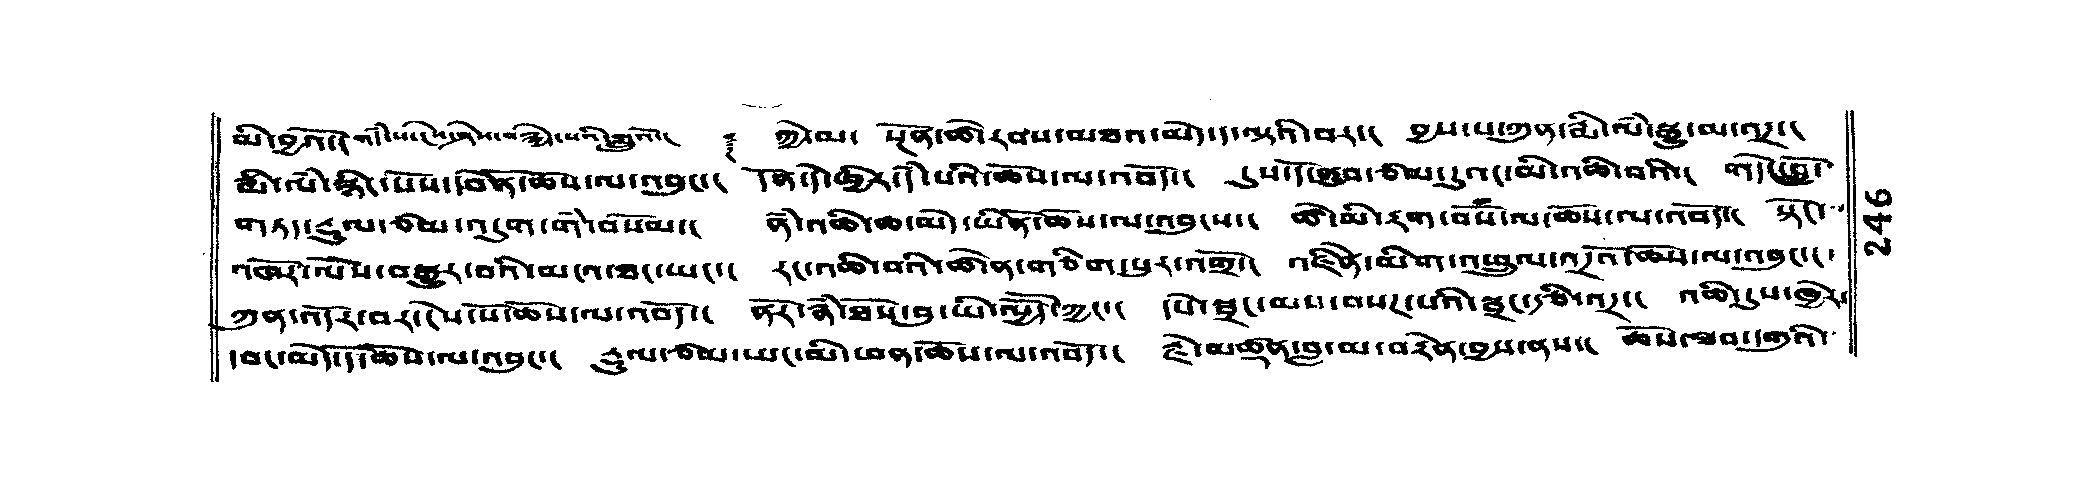མི་བྱའོ།། གདམས་པ་ངེས་ཤེས་བསྐྱེད་པའི་གླུའོ།། ༈ ཀྱེ་མ། སྔོན་ཚེ་རབས་མཐའ་མེད་ད་ལྟའི་བར། །བྱས་པ་ཀུན་རྨི་ལམ་སྒྱུ་མ་འདྲ། །
རྨི་ལམ་སྙིང་པོས་དབེན་ཆོས་ལ་འབུངས། །དོན་དེ་ཕྱིར་དམ་པའི་ཆོས་ལ་འབོད། དུས་དོ་ནུབ་ཙམ་དུའང་མི་འཆི་བའི། །གདེང་བློ་
གཏད་རྡུལ་ཙམ་འདུག་གམ་སོམས། །ནམ་འཆི་ཆ་མེད་ཡིན་ཆོས་ལ་འབུངས། །ཚེ་མི་རྟག་སོམས་ལ་ཆོས་ལ་འབོད། །སྟོང་
འཁོར་ལོས་བསྒྱུར་བའི་མངའ་ཐང་ཡང་། །རང་འཆི་བའི་ཚེ་ན་གཅིག་པུར་འགྲོ། །འཇིག་རྟེན་མིག་འཕྲུལ་འདྲའོ་ཆོས་ལ་འབུངས། །
ཀུན་འདོར་བར་ངེས་སོ་ཆོས་ལ་འབོད། །ནོར་རྣམ་ཐོས་བུ་ཡི་ལོངས་སྤྱོད་ཀྱང་། །དཔེ་སྦྲང་མས་བསགས་པའི་སྦྲང་རྩི་འདྲ། །འཆི་དུས་ཁྱེར་
དབང་མེད་དོ་ཆོས་ལ་འབུངས། །རྡུལ་ཙམ་ཡང་མི་ཕན་ཆོས་ལ་འབོད། །རྗེ་མཚན་ལྡན་བླ་མ་བརྟེན་བྱས་ནས། །ཆོས་ཟབ་རྒུའི་